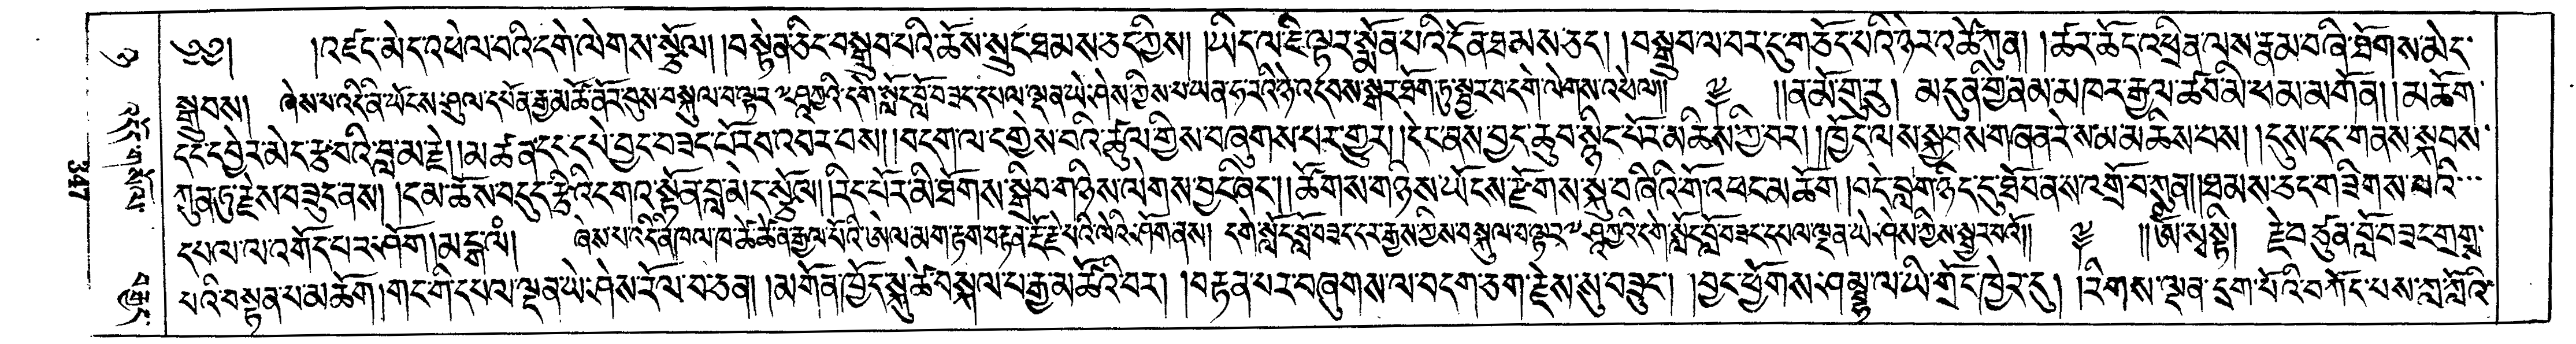༄༅། །འཛད་མེད་འཕེལ་བའི་དགེ་ལེགས་སྩོལ། །བསྟེན་ཅིང་བསྒྲུབ་བའི་ཆོས་སྲུང་ཐམས་ཅད་ཀྱིས། །ཡིད་ལ་ཇི་ལྟར་སྨོན་པའི་དོན་ཐམས་ཅད། །བསྒྲུབ་ལ་བར་དུ་གཅོད་པའི་ཉེར་འཚེ་ཀུན། །ཚར་ཆོད་འཕྲིན་ལས་རྣམ་བཞི་ཐོགས་མེད་
སྒྲུབས། ཞེས་པ་འདི་ནི་ཡོངས་ཤུལ་དཔོན་རྒྱ་མཚོ་ནོར་བུས་བསྐུལ་བལྟར ༧ཤཱཀྱའི་དགེ་སློང་བློ་བཟང་དཔལ་ལྡན་ཡེ་ཤེས་ཀྱིས་བ་ཡན་ཧ་རའི་ཉེ་འདབས་སྒར་ཐོག་ཏུ་སྦྱར་བ་དགེ་ལེགས་འཕེལ།། ༈ །།ན་མོ་གུ་རུ། མདུན་གྱི་ནམ་མཁར་རྒྱལ་ཚབ་མི་ཕམ་མགོན། །མཆོག་
དང་དབྱེར་མེད་རྩ་བའི་བླ་མ་རྗེ། །མཚན་དང་དཔེ་བྱད་བཟང་པོ་རབ་འབར་བས། །བདག་ལ་དགྱེས་པའི་ཚུལ་གྱིས་བཞུགས་པར་གྱུར། །དེང་ནས་བྱང་ཆུབ་སྙིང་པོར་མཆིས་ཀྱི་བར། །ཁྱོད་ལས་སྐྱབས་གཞན་རེས་མ་མཆིས་པས། །དུས་དང་གནས་སྐབས་
ཀུན་ཏུ་རྗེས་བཟུང་ནས། །དམ་ཆོས་བདུད་རྩིའི་དགའ་སྟོན་བླ་མེད་སྩོལ། །རིང་པོར་མི་ཐོགས་སྒྲིབ་གཉིས་ལེགས་བྱང་ཞིང་། །ཚོགས་གཉིས་ཡོངས་རྫོགས་སྐུ་བཞིའི་གོ་འཕང་མཆོག །བདེ་བླག་ཉིད་དུ་ཐོབ་ནས་འགྲོ་བ་ཀུན། །ཐམས་ཅད་གཟིགས་པའི་
དཔལ་ལ་འགོད་པར་ཤོག །མངྒ་ལཾ། ཞེས་པ་འདི་ནི་ཁལ་ཁ་ཚེ་ཚེ་ན་རྒྱལ་བོའི་ཨེལ་མག་རྟག་བརྟན་རྡོ་རྗེ་བའི་ལེའི་ཤོག་ནས། དགེ་སློང་བློ་བཟང་དར་རྒྱས་ཀྱིས་བསྐུལ་བལྟར ༧་ཤཱཀྱའི་དགེ་སློང་བློ་བཟང་དཔལ་ལྡན་ཡེ་ཤེས་ཀྱིས་སྦྱར་བའོ།། ༈ །།ཨོཾ་སྭསྟི། རྗེ་བཙུན་བློ་བཟང་གྲགས་
བའི་བསྟན་པ་མཆོག །གང་གི་དཔལ་ལྡན་ཡེ་ཤེས་རོལ་བ་ཅན། །མགོན་ཁྱོད་སྐུ་ཚེ་བསྐལ་བརྒྱ་མཚོའི་བར། །བརྟན་པར་བཞུགས་ལ་བདག་ཅག་རྗེས་སུ་བཟུང་། །བྱང་ཕྱོགས་ཤམྦྷ་ལ་ཡི་གྲོང་ཁྱེར་དུ། །རིགས་ལྡན་དྲག་པོའི་བཀོད་པས་ཀླ་ཀློའི་